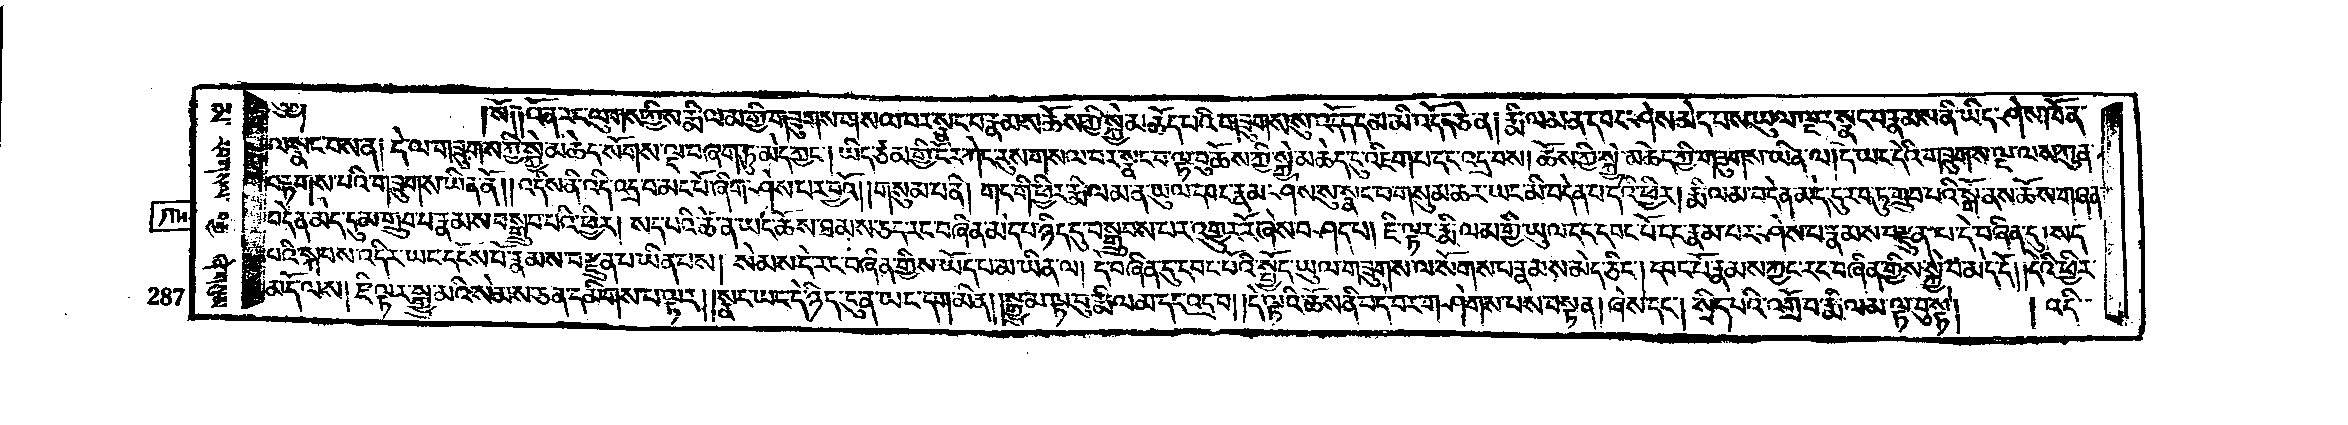༄༅། །སོ། །འོ་ན་རང་ལུགས་ཀྱིས་རྨི་ལམ་གྱི་གཟུགས་གསལ་བར་སྣང་བ་རྣམས་ཆོས་ཀྱི་སྐྱེ་མཆེད་པའི་གཟུགས་སུ་འདོད་དམ་མི་འདོད་ཅེ་ན། རྨི་ལམ་ན་དབང་ཤེས་མེད་པས་ཡུལ་ལྔར་སྣང་བ་རྣམས་ནི་ཡིད་ཤེས་ཁོ་ན་
ལ་སྣང་བས་ན། དེ་ལ་གཟུགས་ཀྱི་སྐྱེ་མཆེད་སོགས་ལྔ་བཞག་ཏུ་མེད་ཀྱང་། ཡིད་ཙམ་གྱི་ངོར་ཀེང་རུས་གསལ་བར་སྣང་བ་ལྟ་བུ་ཆོས་ཀྱི་སྐྱེ་མཆེད་དུ་འཇིག་པ་དང་འདྲ་བས། ཆོས་ཀྱི་སྐྱེ་མཆེད་ཀྱི་གཟུགས་ཡིན་ལ། དེ་ཡང་དེའི་གཟུགས་ལྔ་ལས་ཀུན་
བརྟགས་པའི་གཟུགས་ཡིན་ནོ། །འདིས་ནི་འདི་འདྲ་བ་མང་པོ་ཞིག་ཤེས་པར་བྱའོ། །གསུམ་པ་ནི། གང་གི་ཕྱིར་རྨི་ལམ་ན་ཡུལ་དབང་རྣམ་ཤེས་སུ་སྣང་བ་གསུམ་ཆར་ཡང་མི་བདེན་པ་དེའི་ཕྱིར། རྨི་ལམ་བདེན་མེད་དུ་རབ་ཏུ་གྲུབ་པའི་སྒོ་ནས་ཆོས་གཞན་
བདེན་མེད་དུ་མ་གྲུབ་པ་རྣམས་བསྒྲུབ་པའི་ཕྱིར། སད་པའི་ཚེ་ན་ཡང་ཆོས་ཐམས་ཅད་རང་བཞིན་མེད་པ་ཉིད་དུ་བསྒྲུབས་པར་འགྱུར་རོ་ཞེས་བཤད་པ། ཇི་ལྟར་རྨི་ལམ་གྱི་ཡུལ་དང་དབང་པོ་དང་རྣམ་པར་ཤེས་པ་རྣམས་བརྫུན་པ་དེ་བཞིན་དུ། སད་
པའི་སྐབས་འདིར་ཡང་དངོས་པོ་རྣམས་བརྫུན་པ་ཡིན་པས། སེམས་དེ་རང་བཞིན་གྱིས་ཡོད་པ་མ་ཡིན་ལ། དེ་བཞིན་དུ་དབང་པོའི་སྤྱོད་ཡུལ་གཟུགས་ལ་སོགས་པ་རྣམས་མེད་ཅིང་། དབང་པོ་རྣམས་ཀྱང་རང་བཞིན་གྱིས་སྐྱེ་བ་མེད་དོ། །དེའི་ཕྱིར་
མདོ་ལས། ཇི་ལྟར་སྒྱུ་མའི་སེམས་ཅན་དམིགས་པ་ལྟར། །སྣང་ཡང་དེ་ཉིད་དུ་ན་ཡང་དག་མིན། །སྒྱུ་མ་ལྟ་བུ་རྨི་ལམ་དང་འདྲ་བ། །དེ་ལྟའི་ཆོས་ནི་བདེ་བར་གཤེགས་པས་བསྟན། ཞེས་དང་། སྲིད་པའི་འགྲོ་བ་རྨི་ལམ་ལྟ་བུ་སྟེ། །འདི་